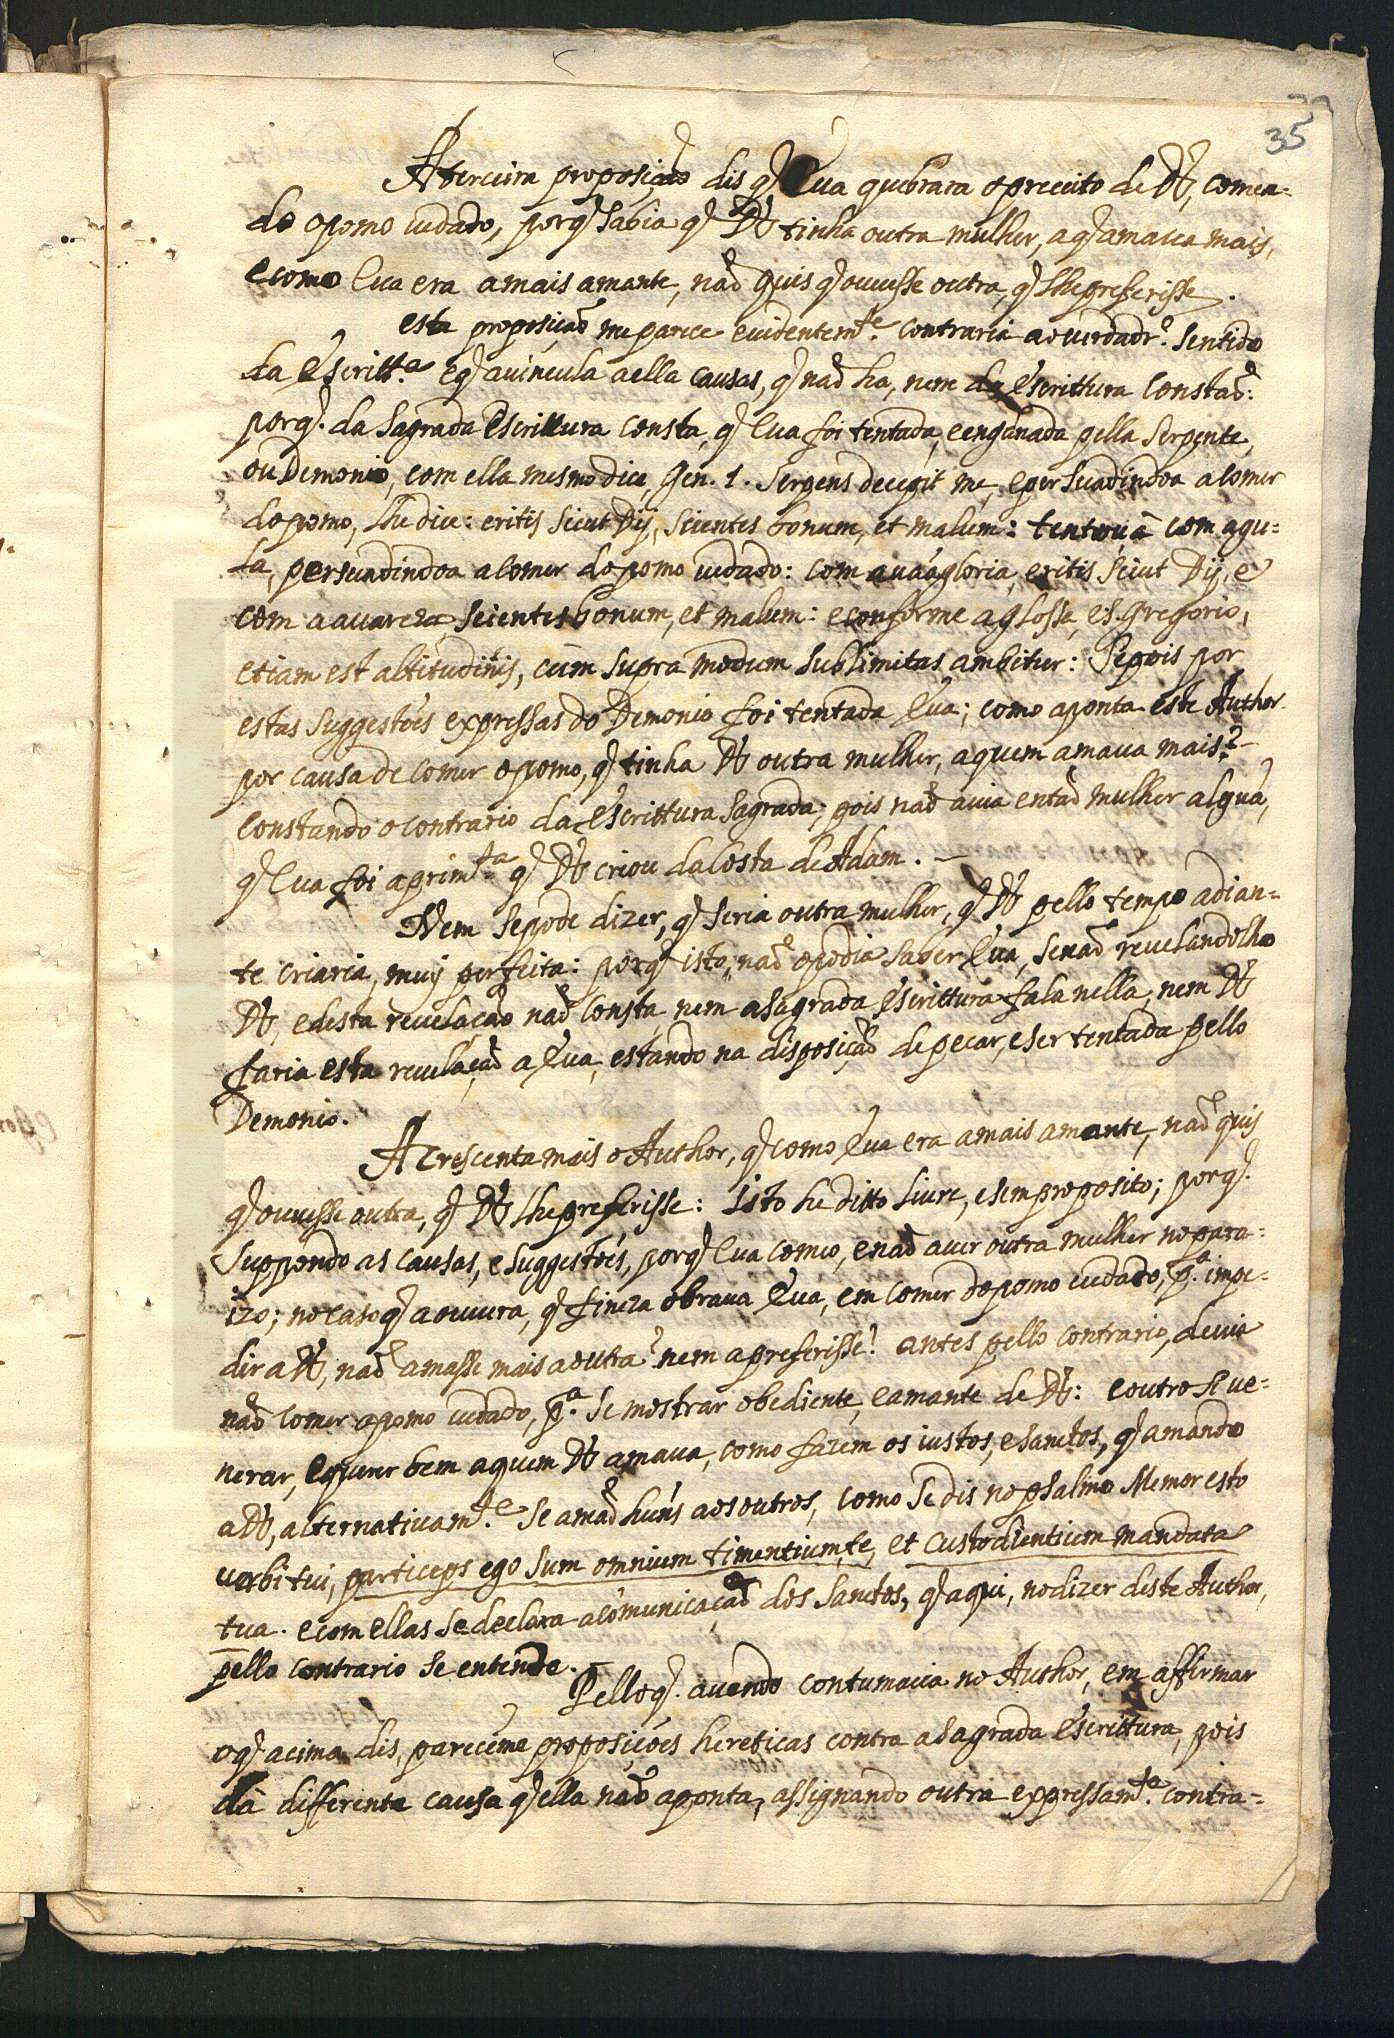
A terceira proposiçaõ dis q̄ Eua quebrara o preceito de ds̄ comen
do o pomo uedado, porq̄ sabia q̄ Ds̄ tinha outra mulher, a q̄ amasse mais,
e como Eua era a mais amante, naõ quis q̄ ouuesse outra, q̄ lhe preferisse
esta proposiçaõ me parece euidentem.te contraria ao uerdadr.o sentido
da escritt.a e q̄ a uincula a ella causas, q̄ naõ ha, nem de escrittura constaõ.
porq.to da Sagrada Escrittura consta, q̄ Eua foi tentada, e enganada pella serpente
ou Demonio, com ella mesmo dice Gen. 1. Serpens decepit me, e persuadindoa a comer
do pomo, lhe dice: eritis sicut Dij, scientes bonum, et malum: tentoua com a gu
La, persuadindoa a comer do pomo uedado: com a uaã gloria, eritis sicut Dij, e
com a auareza scientes bonum, et malum: e conforme a glossa, e s. Gregorio,
etiam est altitudinis, cum supra modum sublimitas ambitur: Depois por
estas suggestoẽs expressas do Demonio foi tentada Eua; como aponta este Author
por causa de comer o pomo, q̄ tinha Ds̄ outra mulher, a quem amaua mais?
constando o contrario da escrittura Sagrada, pois naõ auia entaõ mulher alguā
q̄ Eua foi a prim.ra q̄ Ds criou da Costa de Adam.
Nem se pode dizer, q̄ seria outra mulher, q̄ Ds̄ pello tempo adian
te criaria, muy perfeita: porq̄ isto, naõ o podia saber Eua, senaõ reuelandolho
Ds̄, e desta reuelação naõ consta, nem a sagrada escrittura fala nella, nem Ds̄
faria esta reuelaçaõ a Eua, estando na disposiçaõ de pecar, e ser tentada pello
Demonio.
Acrescenta mais o Author, q̄ como Eua era a mais amante, naõ quis
q̄ ouuesse outra, q̄ Ds̄ lhe preferisse: Isto he ditto liure, e sem proposito; porq̄
Suppondo as causas, e suggestoẽs, porq̄ Eua comeo, e naõ auer outra mulher no para
izo; no caso q̄ a ouuira, q̄ fineza obraua Eua, em comer do pomo uedado, p.a impe
dir a Ds̄, naõ amasse mais a outra? nem a preferisse? antes pello contrario, deuia
naõ comer o pomo uedado, p.a se mostrar obediente, e amante de Ds̄: e outrosi ue
nerar, e querer bem a quem Ds̄ amaua, como fazem os iustos, e sanctos, q̄ amandoo
a Ds̄, alternatiuam.te se amaõ hun̄s aos outros, como se dis no pSalmo Memor esto
uerbi tui, particeps ego sum omnium timentium te, et custodientium mandata
tua; e com ellas se declara a comunicaçaõ dos Sanctos, q̄ aqui, no dizer deste Author
pello contrario se entende.
Pello q̄ auendo contumacia no Author, em affirmar
o q̄ acima dis, pareceme proposiçoẽs hereticas contra a Sagrada escrittura, pois
da differente causa q̄ ella naõ aponta, assignando outra expressam.te contra
